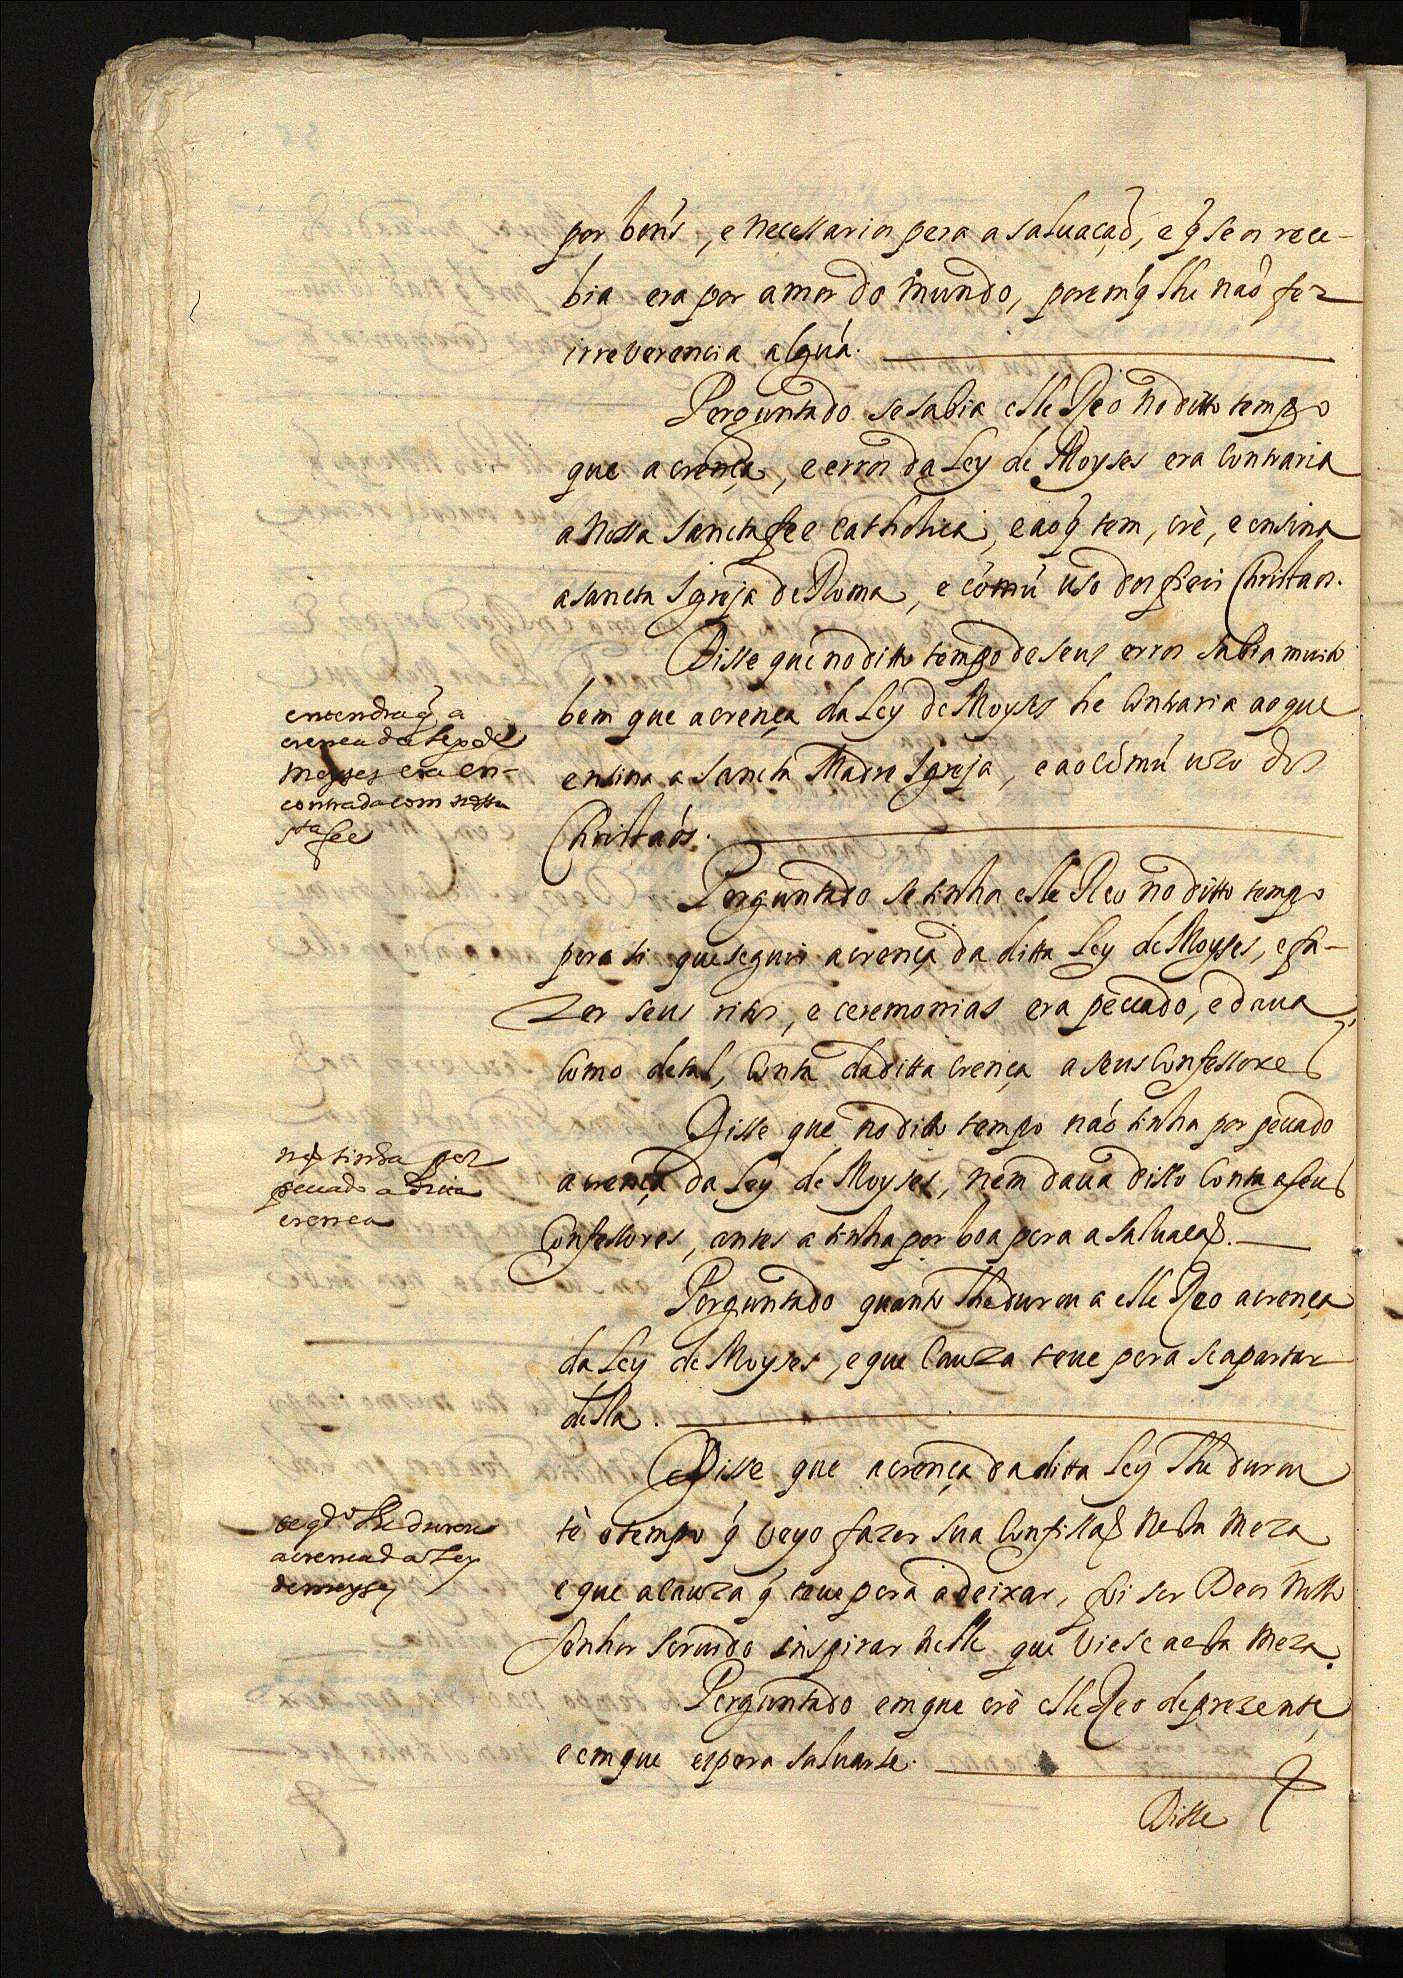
por bons̄, e neçessarios pera a saluaçaõ, e q̄ se os rece
bia era por amor do mundo, porem q̄ lhe naõ fez
irreverencia alguā.
Perguntado se sabia elle Reo no ditto tempo
que a crença, e erros da Ley de Moyses era contraria
a nossa sancta fee catholica, e ao q̄ tem, crè, e ensina
a sancta Igreja de Roma, e cōmū uso dos fieis Christaos.
Disse que no ditto tempo de seus erros sabia muito
bem que a crença da Ley de Moyses he contraria ao que
ensina a sancta Madre Igreja, e ao cōmū uzo dos
Christaõs.
Perguntado se tinha elle Reo no ditto tempo
pera si que seguir a crença da ditta Ley de Moyses, e fa
zer seus ritos, e ceremonias era peccado, e daua
como de tal, conta da ditta crença a seus confessores
Disse que no ditto tempo naõ tinha por peccado
a crença da Ley de Moyses, nem daua disso conta a seus
Confessores, antes a tinha por boa pera a saluacaõ.
Perguntado quanto lhe durou a elle Reo a crença
da Ley de Moyses, e que cauza teue pera se apartar
della.
Disse que a crença da ditta ley lhe durou
tè o tempo q̄ veyo fazer sua confissaõ nesta meza,
e que a cauza q̄ teue pera a deixar, foi ser Deos nosso
Senhor seruido inspirar nelle que viese a esta meza.
Perguntado em que crè elle Reo de prezente,
e em que espera saluarse.
Disse
entendia q̄ a
crenca da ley de
moyses era en
contrada com nossa
sta fee
naõ tinha per
peccado a ditta
crenca
te qdo lhe durou
a crenca da Ley
de moyses
